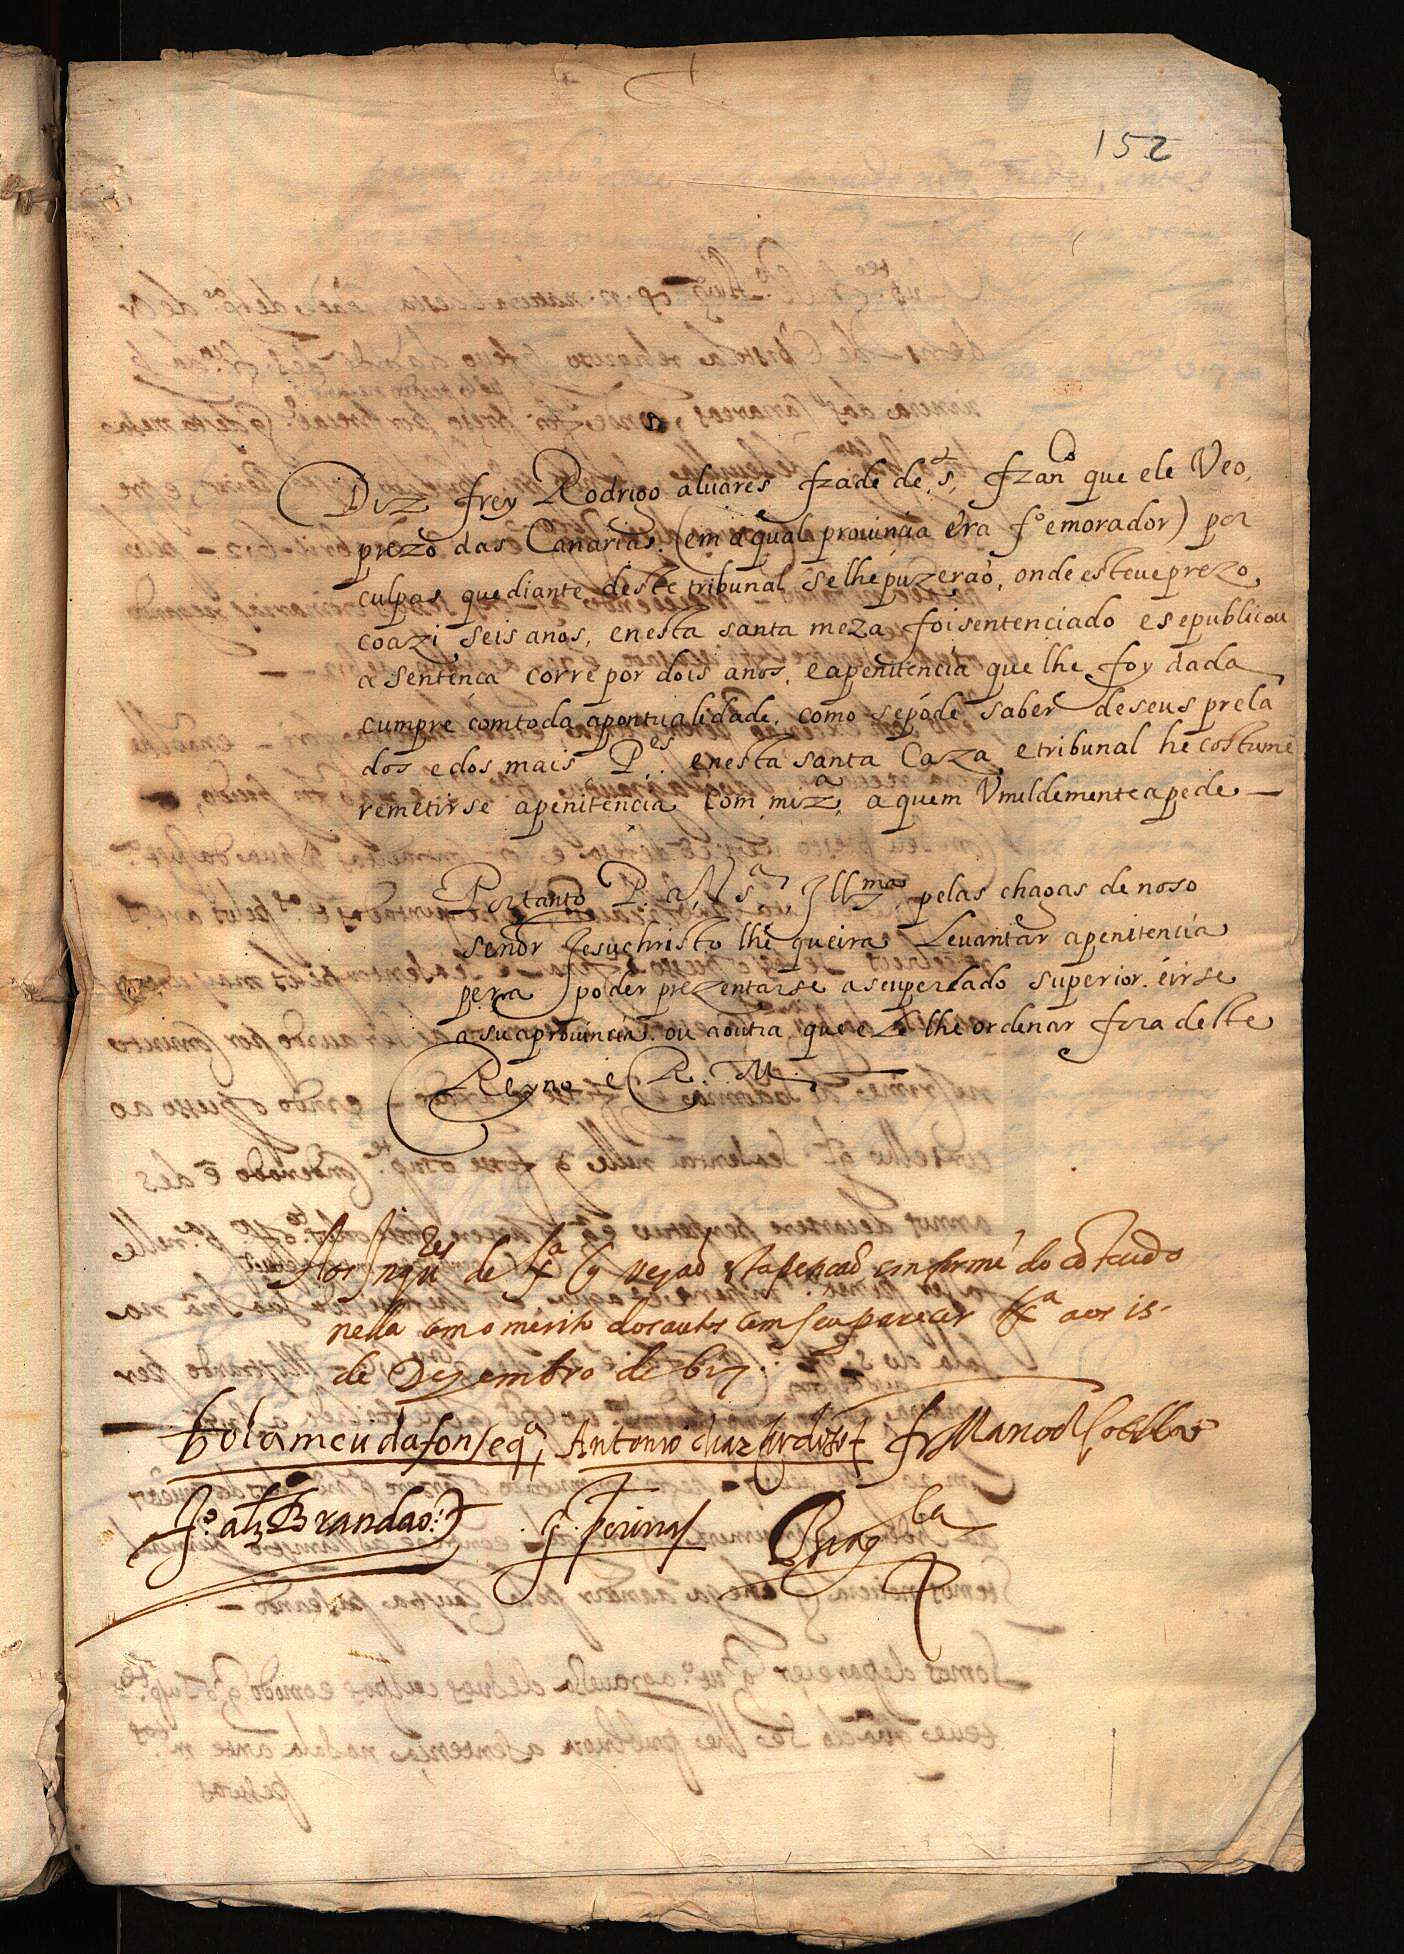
Diz frey Rodrigo aluares frade de sto. fran.co que elle Veo,
prezo das Canarias (em a qual prouincia era fo e morador) por
culpas que diante deste tribunal se lhe puzeraõ, onde esteue prezo
coazi seis anos, e nesta santa meza foi sentenciado e se publicou
a sentença corre por dois anos, e a penitencia que lhe foy dada
cumpre com toda a pontualidade como se pode saber de seus prela
dos e dos mais P.es e nesta santa Caza e tribunal he costume
remetirse a penitencia com miza a quem Vmildemente a pede
Portanto P. a V sa Jllsma pelas chagas de noso
senōr Jesu christo lhe queira Leuantar a penitencia
pera poder preZentarse a seu perlado superior e irse
a sua prouincia ou a outra que eLe lhe ordenar fora deste
Reyno e R. M.
Aos Jnqures de Lxa q̄ vejaõ esta petiçaõ E informē do cōteudo
nella com o merito dos autos com seu parecer Lxa aos i5.
de Dezembro de 617.
Fr Manoel Coelho
b̄olameu da fonseqa
Antonio diaz Cardoso
J.o al̄z Brandaõ
pereira
Bragça
